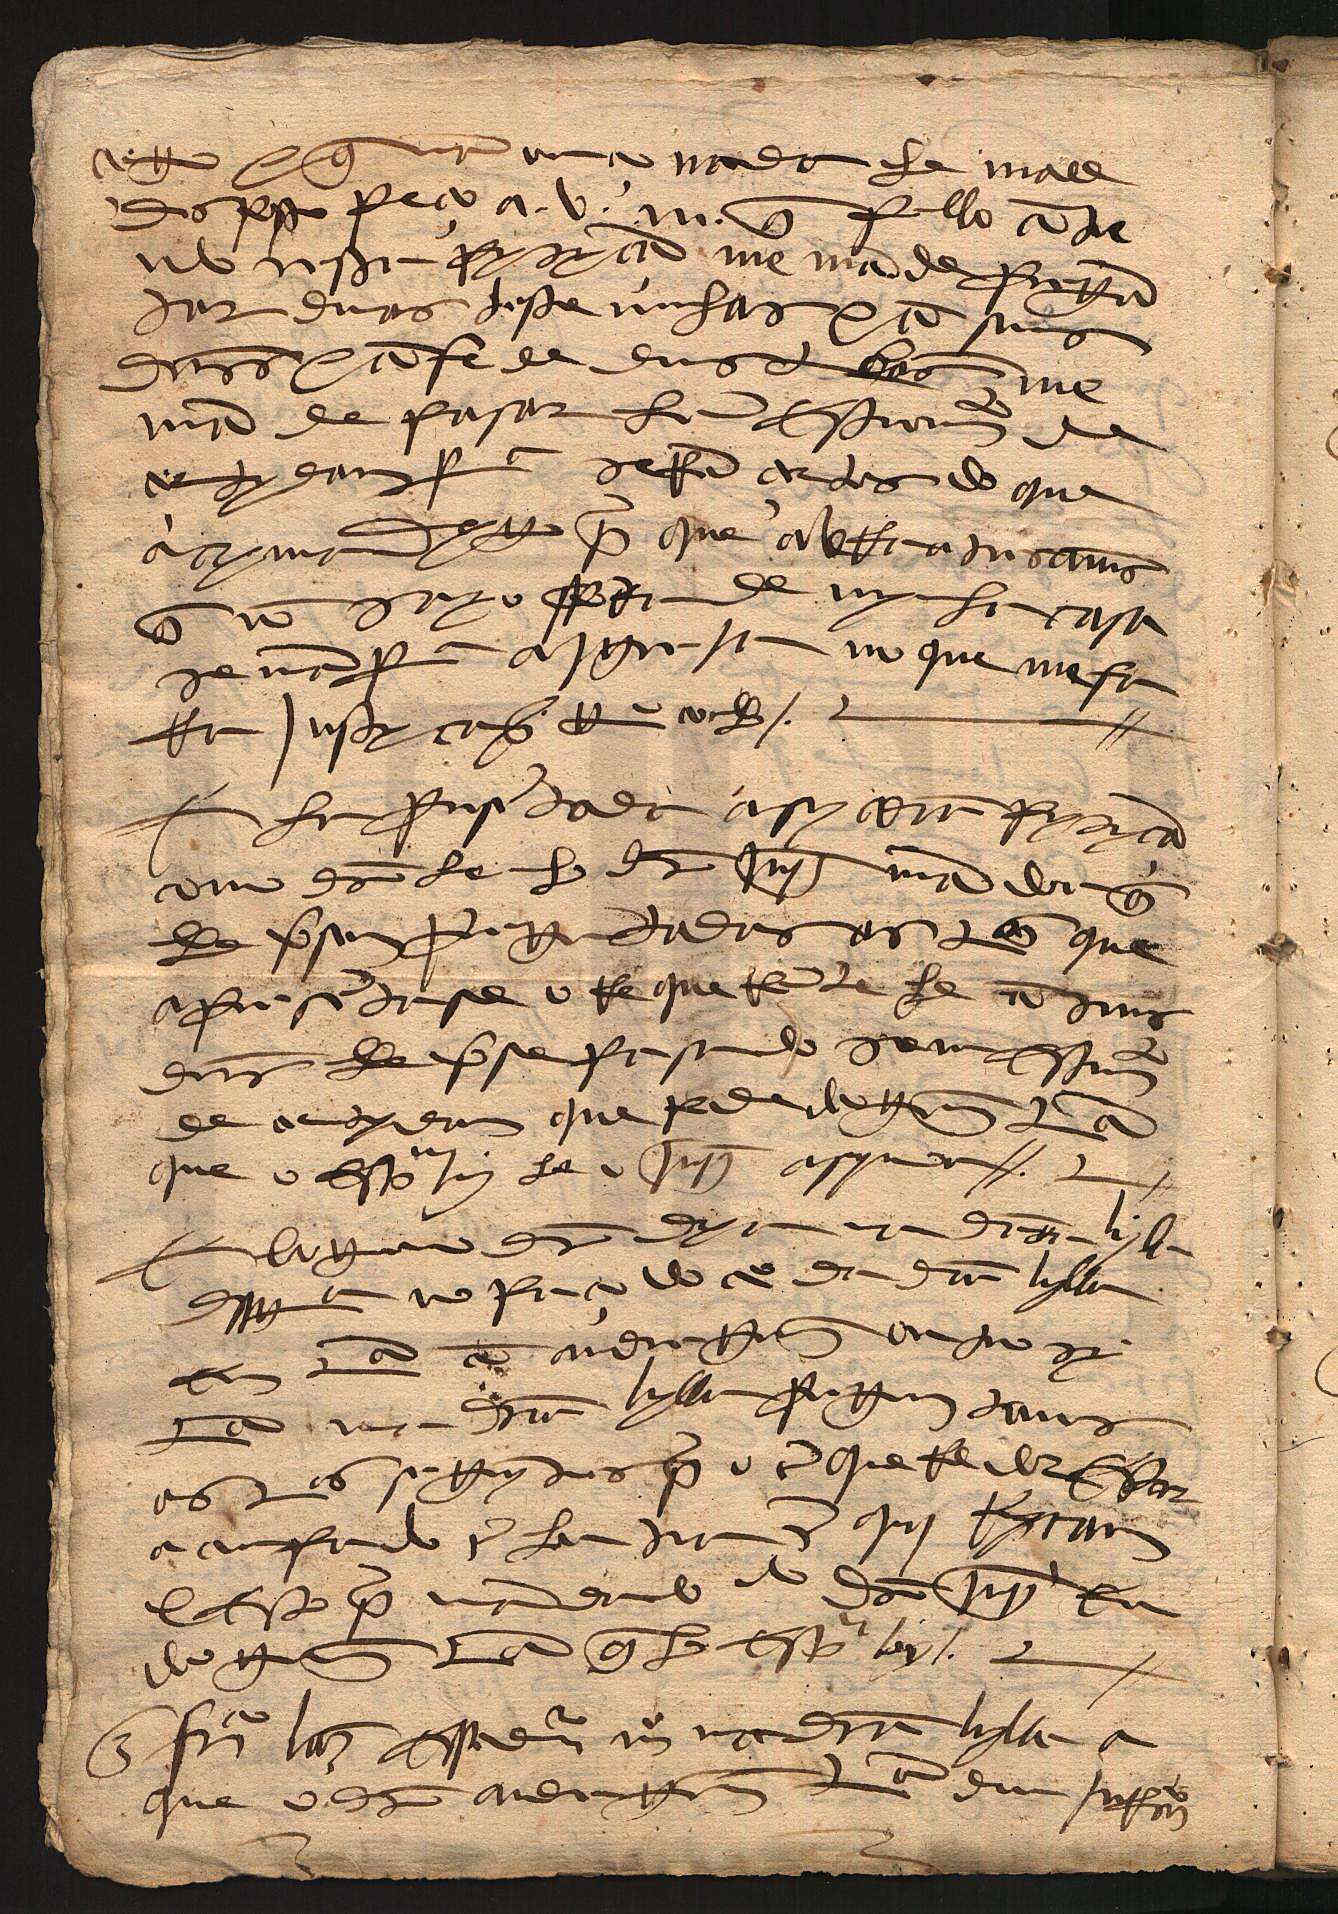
çego e q̄ nā ouço nada he mall
desposto peço a .v. .m. q̄ pello c̄ote
udo nesta pytyçā me māde pregū
tar duas testemunhas e c̄o seus
ditos e c̄o fe de dous tbas̄ me
māde padar hū Estromto de
çertydam ꝑa seRē çertos do que
acyma dygo p̄o que aveRa tres an̄os
q̄ nō sayo ffoRa de mynha casa
senā ꝑa a jgreja no que me fa
Ra Justyca
go coelho /.
E hapresētada asy a dt̄a pytyçā
como dt̄o he ho dt̄o Jujz mādou q̄
lhe fosem pergūtadas as tas que
apresētase o RequeRēte he c̄o seus
dt̄os lhe fose pasado seu Estrmto
de certydam que pede do gēz tā
que o Esp̄vy he o Juiz asynou //.
E loguo no dt̄o dya na dita vyla
dssga no paço do co da dt̄a vylla
Eu tā c̄o andre gēz outrosy
tā na dt̄a vylla perguntamos
as tas seguj̄tes p̄o o ēqueRedor Estar
ocupado ē houtra ēqujRyçam
e Esto p̄o mādado do dt̄o Juiz Eu
do gēz tā q̄ ho Esp̄vy /.
item frco vāz Escodro mo na dt̄a vylla a
que o dt̄o andre gēz tā deu JuRamto
